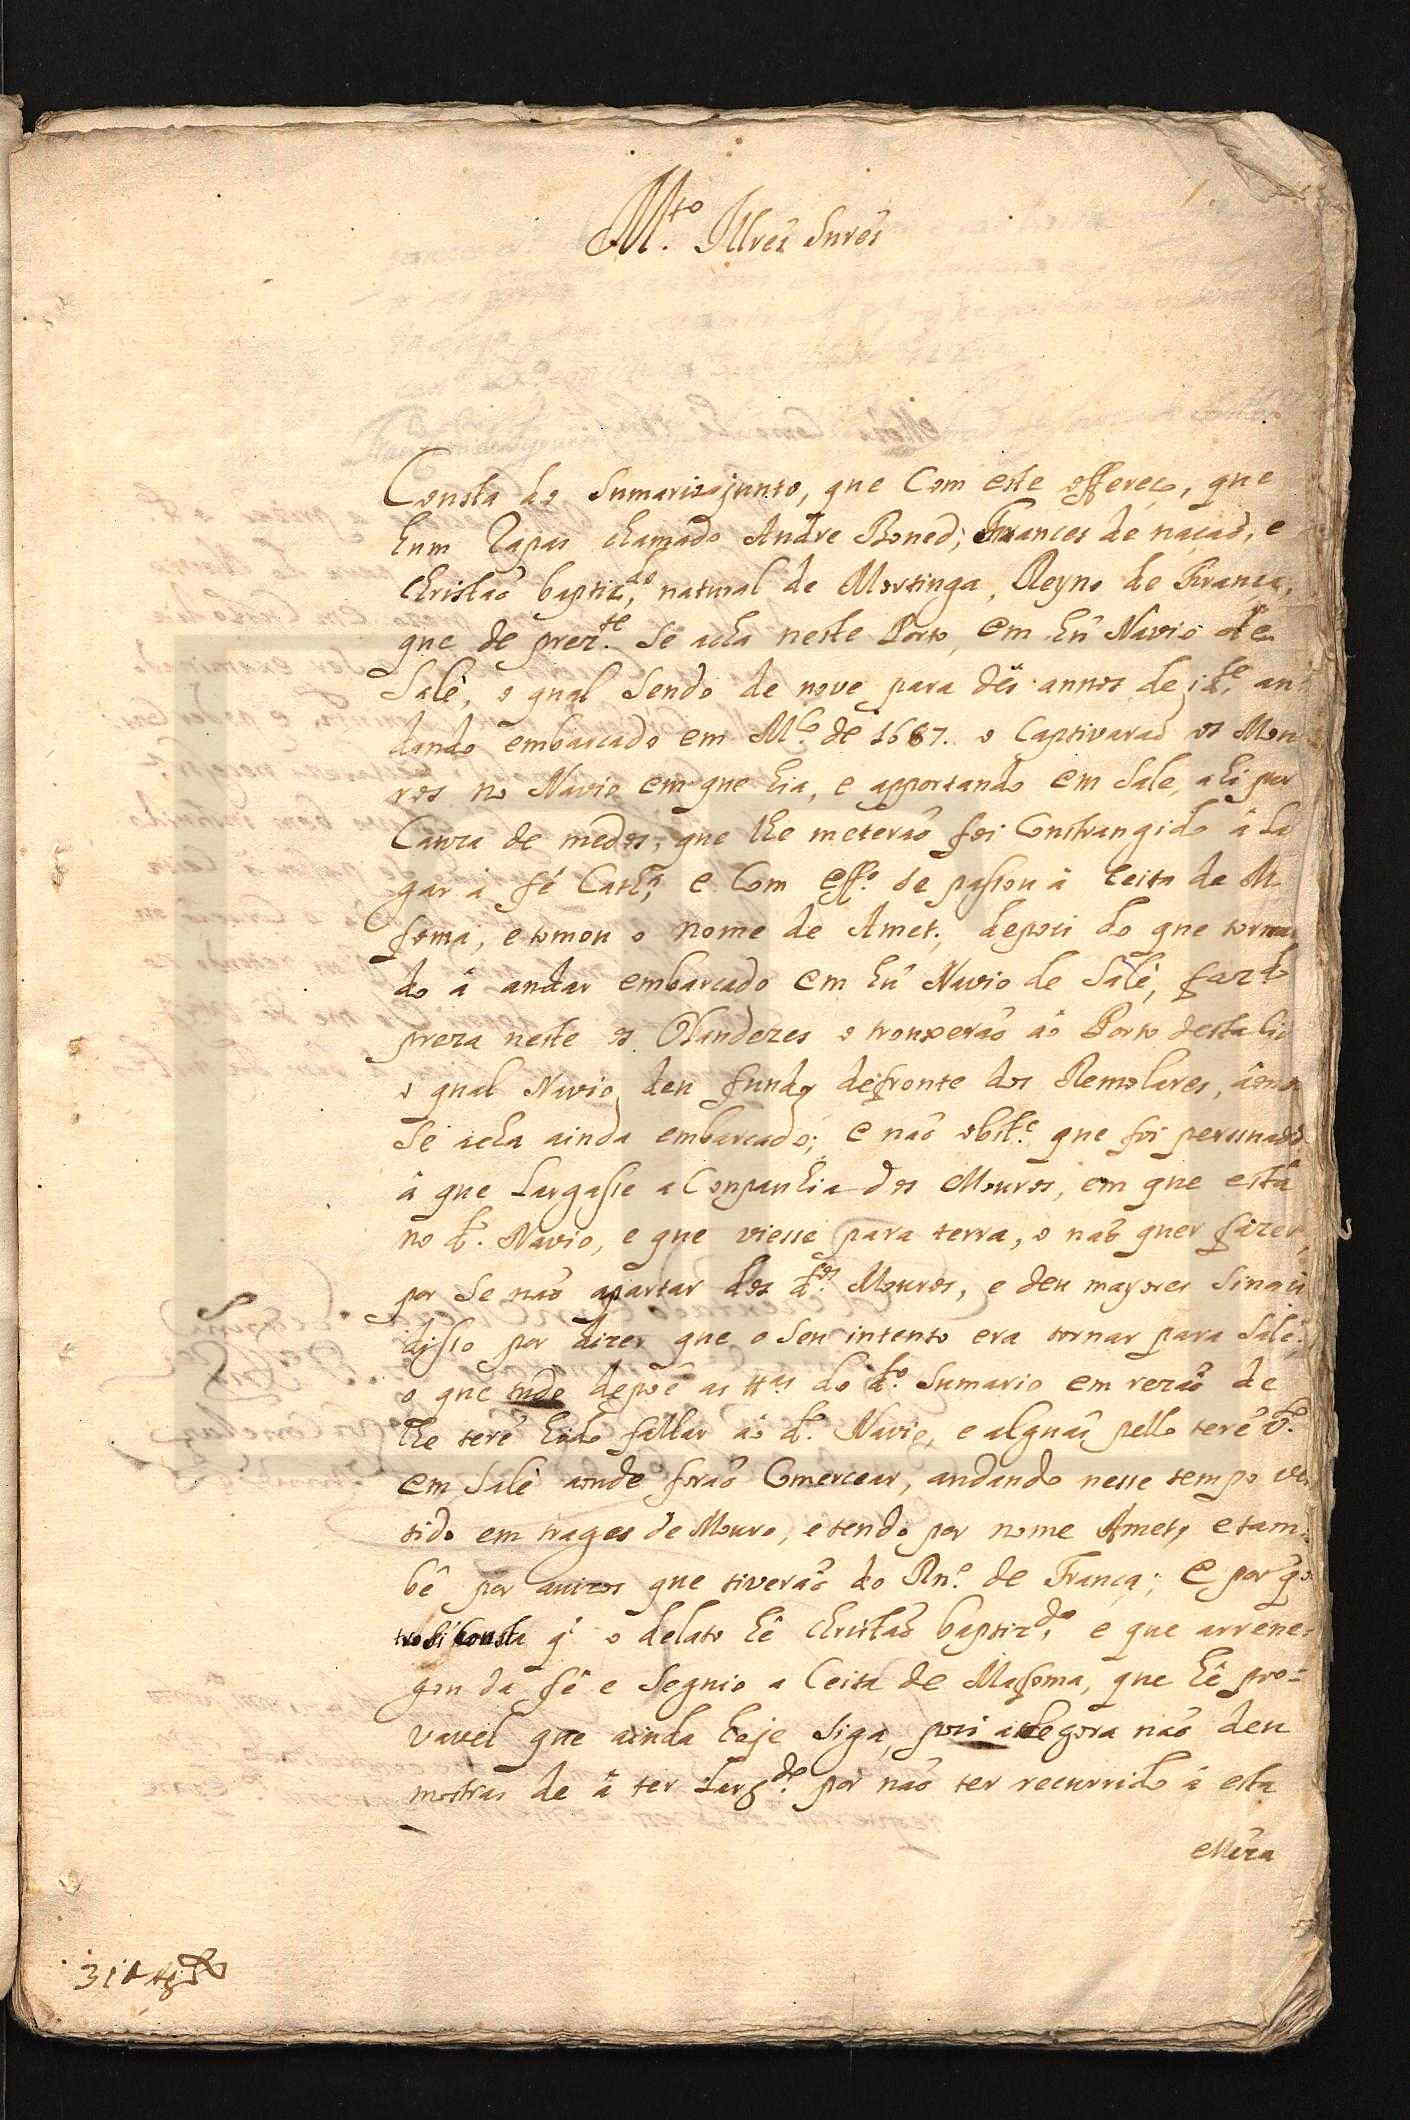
M.to Illres̄ Snres̄
Consta do Sumario junto, que Com este offereço, que
hum Rapas chamado Andre Boned; Frances de naçaõ, e
christaõ baptiz,do natural de Mortinga, Reyno de França,
que de prez.te se acha neste Porto, Em hū Navio de
Salè, o qual sendo de nove para dés annos de id̄.e an
dando embarcado em M.Co de 1687. o Captivaraõ os Mou
ros no Navio em que hia, e apportando em Sale, ahi per
Cauza de medos, que lhe meteraõ foi Constrangido á La
gar a fé Cath,a e Com Eff.o se passou à Ceita de M
foma; e tomou o nome de Amet; depois do que torna
do á andar embarcado em hū Navio de Salé, faz.do
preza neste os Olandezes o trouxeraõ aó Porto desta Ci
o qual Navio deu fundo defronte dos Remolares, aôn
Se acha ainda embarcado; e naõ obst.e que foi perssuad
a que Largasse a Conpanhia dos Mouros, em que está
no d̄.o Navio, e que viesse para terra, o naõ quer fazer
por se naõ apartar dos d̄.os Mouros, e deu mayores sinais
disso por dizer que o seu intento era tornar para Sale;
o que inde depoẽ as tt.as do d̄.o Sumario em rezaõ de
lhe terē hido fallar ao d̄.o Navio, e alguās pello terē v.to
em Salé aonde foraõ Comercear, andando neste tempo ve
tido em trages de Mouro, e tendo por nome Amet, e tam
bē por auizos que tiveraõ do Rn.o de França; E porq̄ o
trosi Consta q̄ o delato hé christaõ baptiz,do e que arrene
gou da fé e seguio a Ceita de Mafoma, que hé pro
vavel que ainda hoje siga, pois athegora não deu
mostras de á ter Larg.do por naõ ter recurrido á esta
Meza
31 d Agto
